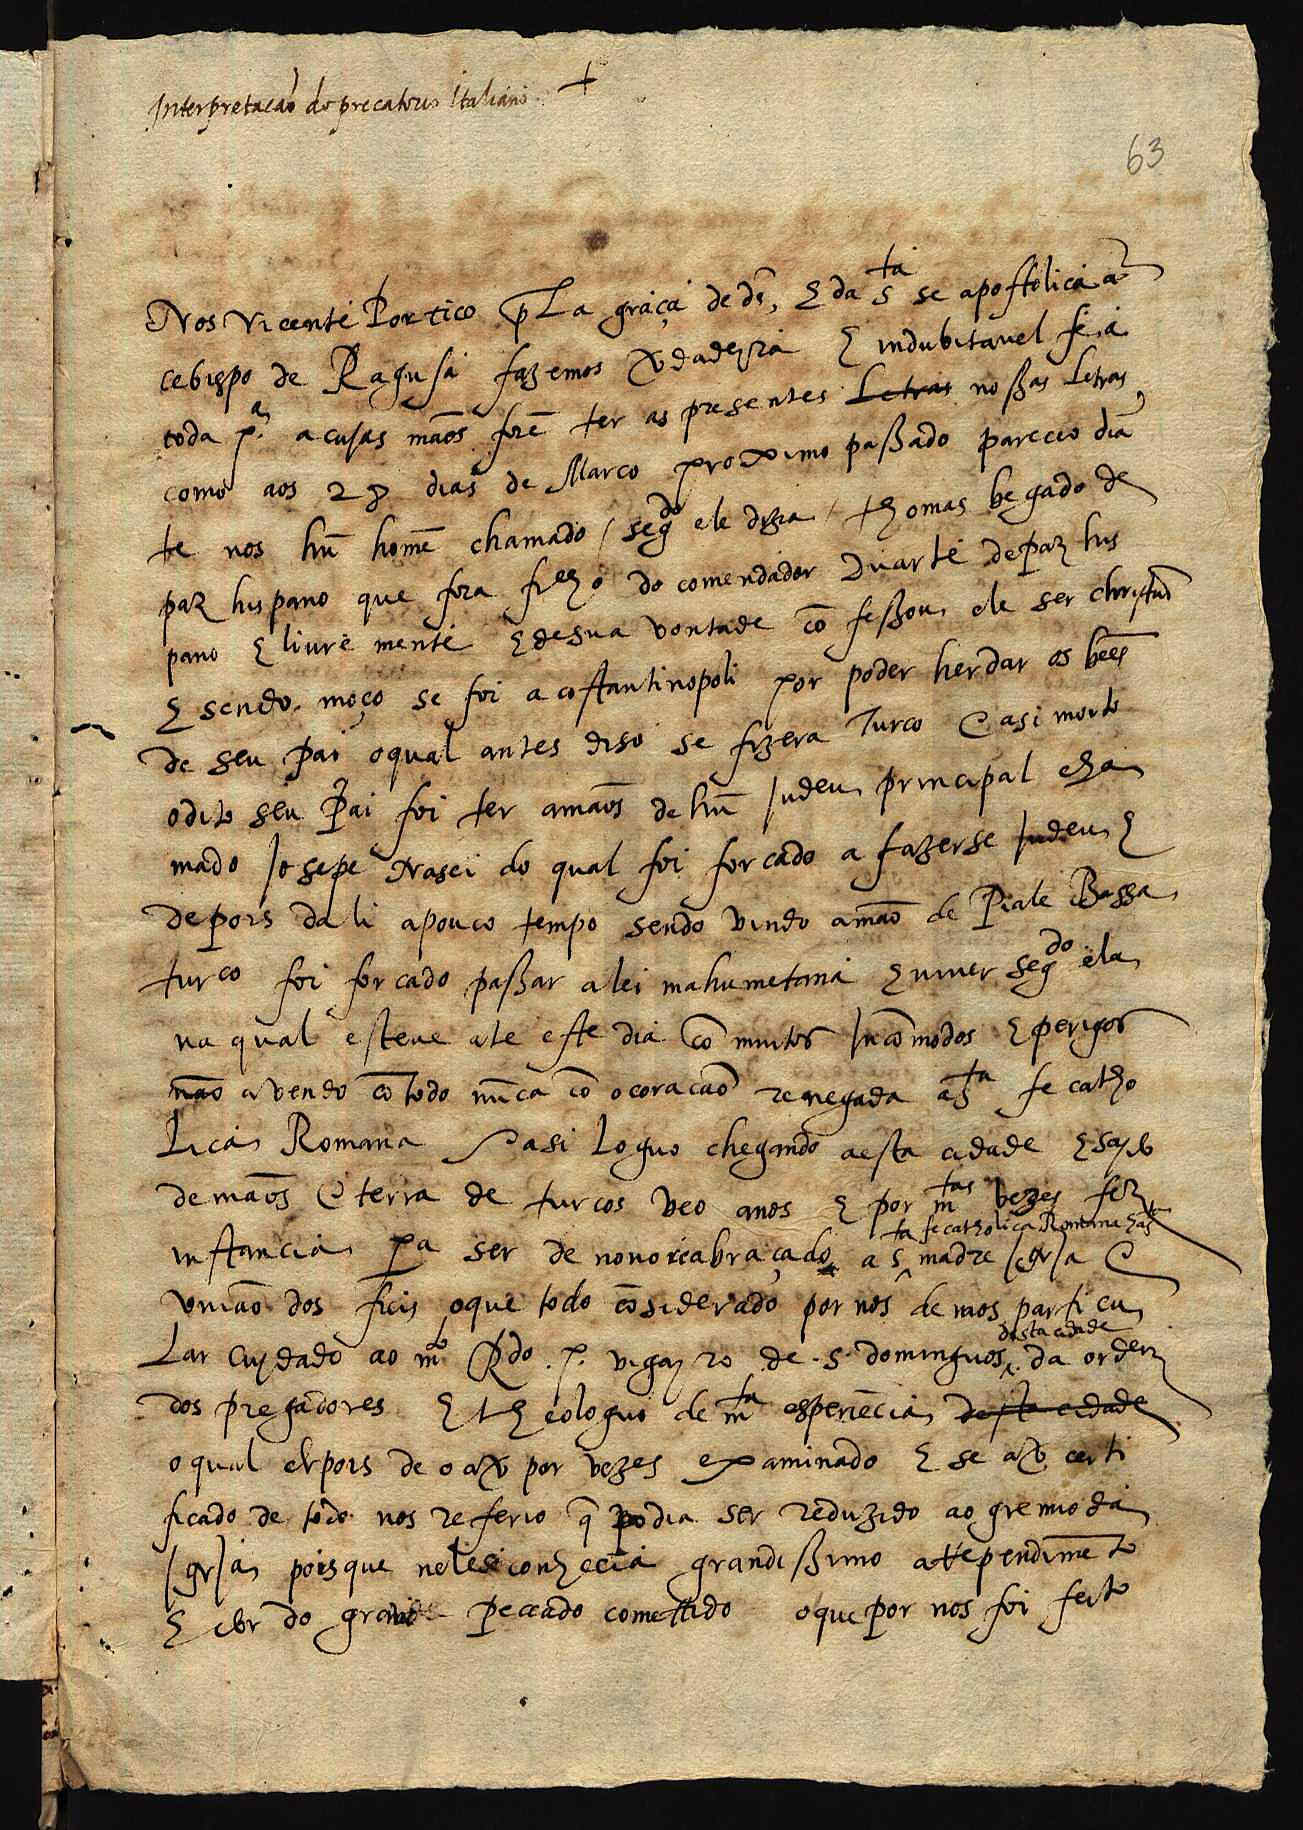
Jnterpretaçaõ do precatorio Italiano.
Nos Vicente Portico p̄La graça de ds̄, E da Sta se apostolica ar
cebispo de Ragusa fazemos ꝟdadejra E indubitauel fe a
toda p.a a cujas mãos forē ter as presentes Letras nossas Letras
como aos 28 dias de Marco proximo passado pareceo diā
te nos hū homē chamado / segdo ele dizia / thomas begado de
paz hispano que fora filho do comendador Duarte de paz his
pano E liuremente E de sua vontade cōfessou ele ser christaõ
E sendo moço se foi a costantinopoli por poder herdar os bēes
de seu pai o qual antes diso se fizera Turco e asi morto
o dito seu Pai foi ter a mãos de hū Judeu principal cha
mado Josepe Nasei do qual foi forcado a fazerse Judeu E
depois dali a pouco tempo sendo vindo a mão de Piale Bassa
turco foi forcado passar a lei mahumetana E uiuer segdo ela
na qual esteue ate este dia cō muitos Jncōmodos E perigos
não avendo c̄otodo nūca cō o coracão renegada a sta fe catho
Lica Romana e asi loguo chegando a esta cidade E sajdo
de mãos e terra de turcos veo a nos E por mtas vezes fez
instancia, ꝑa ser de nouo reabraçado a sta
fe catholica Romana E a sta
madre Jegrja e
vnião dos fieis o que todo cōsiderado por nos demos particu
Lar cujdado ao mto Rdo .p. vigajro de .S. dominguos
desta cidade
da ordem
dos pregadores E theologuo de mta esperiēcia, desta cidade
o qual depois de o aꝟ por vezes examinado E se aꝟ certi
ficado de todo nos referio q̄ podia ser reduzido ao gremio da
Jgrja, pois que nele se conhecia grandissimo aRependimēto
E dor do graue peccado comettido o que por nos foi feito
